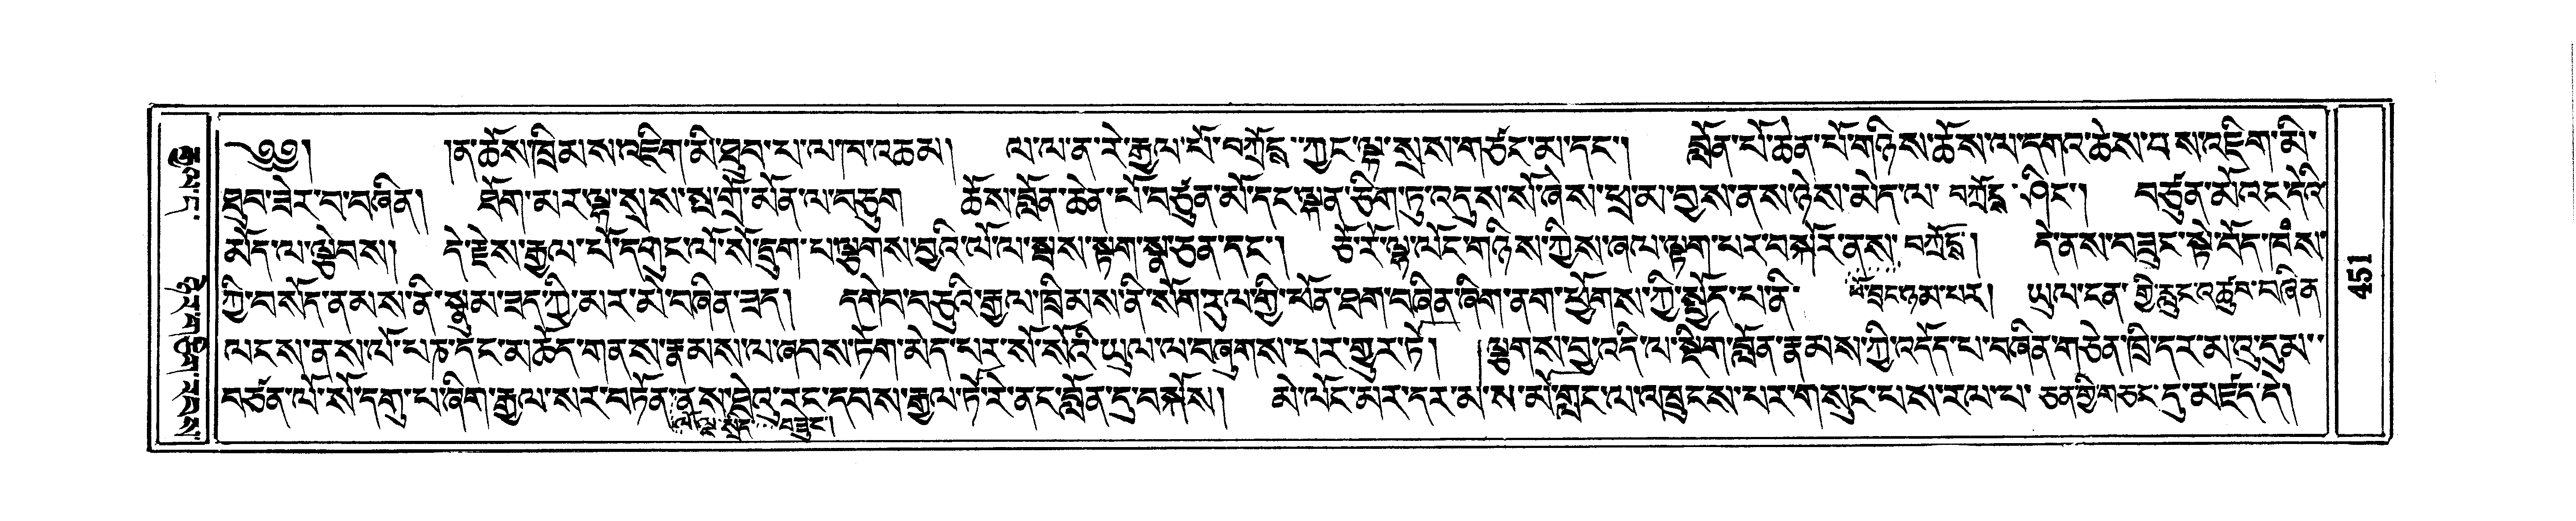༄༅། །ན་ཆོས་ཁྲིམས་འཇིག་མི་ཐུབ་པ་ལ་ཁ་འཆམ། ལ་ལ་ན་རེ་རྒྱལ་པོ་བཀྲོངས་ཀྱང་ལྷ་སྲས་གཙང་མ་དང་། བློན་པོ་ཆེན་པོ་གཉིས་ཆོས་ལ་དགའ་ཆེས་བས་འཇིག་མི་
ཐུབ་ཟེར་བ་བཞིན། ཐོག་མར་ལྷ་སྲས་པ་གྲོ་མོན་ལ་བཅུག །ཆོས་བློན་ཆེན་པོ་བཙུན་མོ་དང་ལྷན་ཅིག་ཏུ་འདུས་སོ་ཞེས་ཕྲ་མ་བྱས་ནས་ཉེས་མེད་ལ་བཀྲོངས་ཤིང་། བཙུན་མོའང་དེའི་
མོད་ལ་ལྕེབས། དེ་རྗེས་རྒྱལ་པོ་དགུང་ལོ་སོ་དྲུག་པ་ལྕགས་བྱའི་ལོ་ལ་སྦས་སྟག་སྣ་ཅན་དང་། ཅོ་རོ་ལྷ་ལོང་གཉིས་ཀྱིས་ཞལ་ལྟག་པར་བསྐོར་ནས་བཀྲོངས། དེ་ནས་བཟུང་སྟེ་བོད་ཁཾས་
ཀྱི་བསོད་ནམས་ནི་སྣུམ་ཟད་ཀྱི་མར་མེ་བཞིན་ཟད། དགེབ་བཅུའི་རྒྱལ་ཁྲིམས་ནི་སོག་རུལ་གྱི་ཕོན་ཐག་བཞིན་ཞིག་ནག་ཕྱོགས་ཀྱི་སྤྱོད་པ་ནི། ཕོ་བྲང་ཉམས་པར།  ཡུལ་ངན་གྱི་རླུང་འཚུབ་བཞིན་
ལངས་ནས་ལོ་པཎ་དང་མཆོད་གནས་རྣམས་ལ་ཞབས་ཏོག་མེད་པར་སོ་སོའི་ཡུལ་ལ་བཞུགས་པར་གྱུར་ཏོ། །ལྕགས་བྱ་འདི་ལ་སྡིག་བློན་རྣམས་ཀྱི་འདོད་པ་བཞིན་གཅེན་ཁྲི་དར་མ་འུ་དུམ་
བཙན་ལོ་སོ་དགུ་པ་ཞིག་རྒྱལ་སར་བཏོན་ནས་ལོ་ལྔ་སྲིད་བཟུང་།  ནས་ཐེའུ་རང་དབས་རྒྱལ་ཏོ་རེ་ནང་བློན་དུ་བསྐོས། མེ་ལོང་མར་དང་མ་ས་མོ་གླང་ལ་འཁྲུངས་པར་གསུང་པས་རལ་པ་ཅན་གྱི་གཅང་དུ་མཛད་དེ།